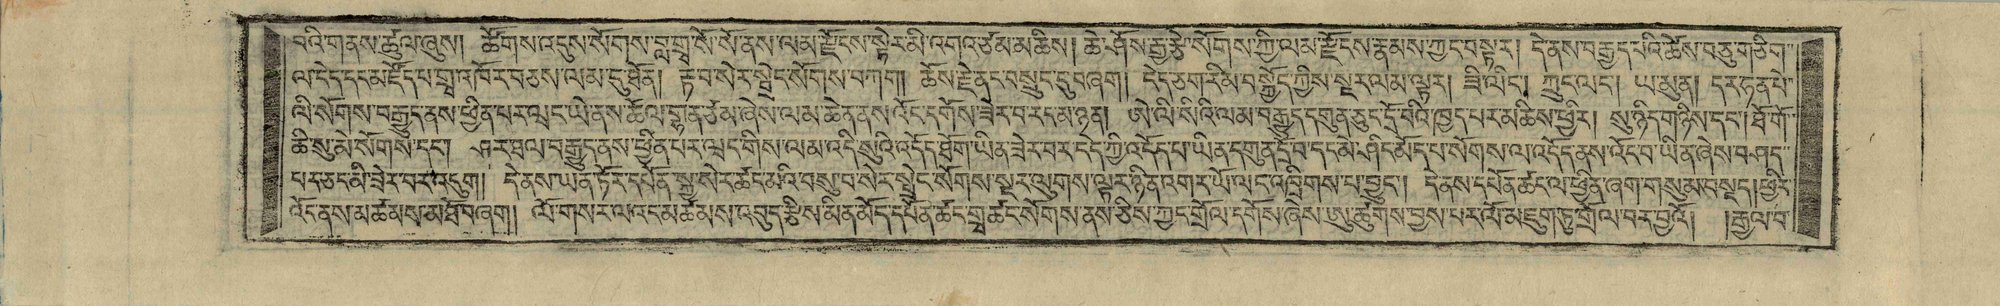བའི་གནས་ཚུལ་ཞུས། ཚོགས་འདུས་སོགས་བླ་གྲྭ་སོ་སོ་ནས་ལམ་རྫོངས་སྟེར་མི་འགའ་ཙམ་མཆིས། ཆེ་ཤོས་རྒྱ་རྩེ་སོགས་ཀྱི་ལམ་རྫོངས་རྣམས་ཀྱང་བསྟར། དེ་ནས་བརྒྱད་པའི་ཚེས་བཅུ་གཅིག་
ལ་ངེད་དང་མཛོད་པ་གྲྭ་འཁོར་བཅས་ལམ་དུ་ཐོན། རྟ་བ་སེར་སྦྲེང་སོགས་བཀག །ཆོས་རྗེ་ནང་བསྲུང་དུ་བཞག །ངེད་ཅག་རིམ་བསྐྱོད་ཀྱིས་སྔར་ལམ་ལྟར། ཟི་ལིང་། ཀྲུང་ལང་། ཡ་མུན། དར་ཧན་པེ་
ལི་སོགས་བརྒྱུད་ནས་ཕྱིན་པར་ཝང་ཡེ་ནས་ཆོལ་གྷན་ཙམ་ཞེས་ལམ་ཆེན་ནས་འོང་དགོས་ཟེར་བ་རང་མ་ཉན། ཨེ་ལི་སིའི་ལམ་བརྒྱུད་དགུན་ཅུང་དྲོ་བའི་ཁྱད་པར་མཆིས་ཕྱིར། སུ་ཉིད་གཉིས་དང་། ཐོ་གོ་
ཆི་སུ་མེ་སོགས་དང་། ཤར་ཐལ་བརྒྱུད་ནས་ཕྱིན་པར་ཝང་གིས་ལམ་འདི་སུའི་འདོད་ཐོག་ཡིན་ཟེར་བར་ངེད་ཀྱི་འདོད་པ་ཡིན་དགུན་དྲོ་བ་དང་མེ་ཤིང་མོད་པ་སོགས་ལ་འདོད་ནས་འོང་བ་ཡིན་ཞེས་བཤད་
པར་ཅང་མི་ཟེར་བར་འདུག །དེ་ནས་ཡན་ཏོར་དཔོན་སྐྱ་སེར་ཚང་མའི་བསུ་བ་སེར་སྤྲེང་སོགས་སྔར་ལུགས་ལྟར་ཉིན་འགར་ཡོ་ལང་འཁྲིགས་པ་བྱུང་། དེ་ནས་དཔོན་ཚང་ལ་ཕྱིན་ཞག་གསུམ་བསྡད། ཕྱིར་
འོང་ནས་མཚམས་མཐོ་བཞག །ལོ་གསར་ལའང་མཚམས་འབུད་རྩིས་མིན་མོད་དཔོན་ཚང་གྲྭ་ཚང་སོགས་ནས་ཅིས་ཀྱང་གྲོལ་དགོས་ཞེས་ཨུ་ཚུགས་བྱས་པར་ལོ་མཇུག་ཏུ་གྲོལ་བར་བྱའོ། །རྒྱལ་བ་